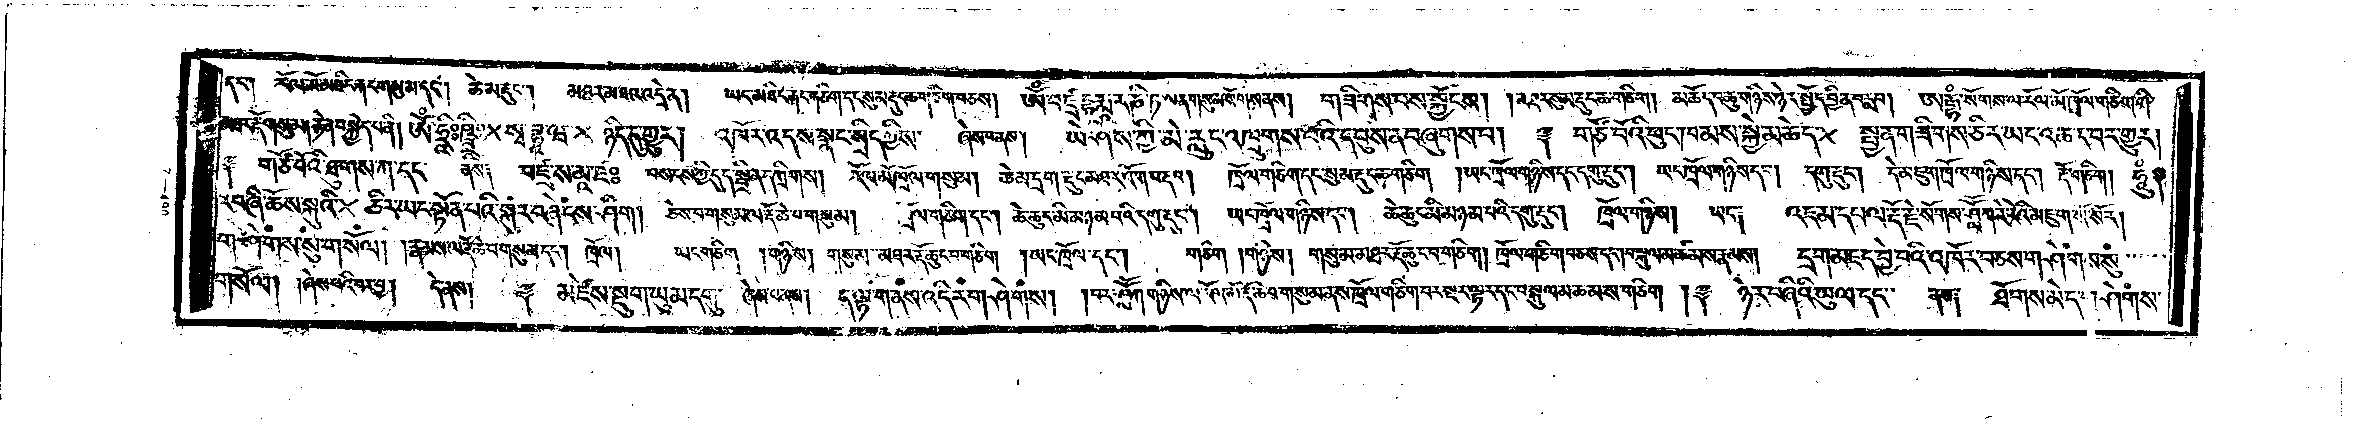དང་། རོལ་མོ་མཐིང་ནང་གསུམ་དང་། ཆེ་མ་རྡུང་། མ་ལ་མཐའ་འདྲེན། ཡང་མཐིང་རྐང་གཅིག་དང་སུམ་རྡུང་ཆ་གཅིག་བཅས། ཨོཾ་བཛྲ་དྷརྨཱ་ར་ཎི་ཏ་ལན་གསུམ་སོགས་ནས།  གཟིགས་བས་སྐྱོངས། །མཐར་སུམ་རྡུང་ཆ་གཅིག། མཆོད་བ་ཆུ་གཉིས་ཉེར་སྤྱོད་བྱིན་བརླབ།  ཨརྒྷཾ་སོགས་ལ་རོལ་མོ་ཁྲོལ་གཅིག་གི་
མཐར་རྡོ་གསུམ། རྟེན་བསྐྱེད་པ་ནི། ཨོཾ་ཧྲཱིཿཥྚྲཱིཿ ྾་སྭབྷཱ་ལྔ་྾་ཤུདྷོཉཧཾ། འཁོར་འདས་སྣང་སྲིད་ཀྱིས་ཞེས་པ་ནས།  ཡེ་ཤེས་ཀྱི་མེ་རླུང་འཁྲུགས་པའི་དབུས་ན་བཞུགས་པ། ༈ གཙོ་བོའི་ཕུང་ཁམས་སྐྱེ་མ་ཆེད་྾་སྤྱན་གཟིགས་ཅིར་ཡང་འཆར་བར་གྱུར།
༈ གཙོ་བོའི་ཐུགས་ཀ་དང་ནས༑  བཛྲ་ས་མཱ་ཛཿབསངས་ཀྱི་དུད་སྦྲིན་དཀྲིགས། རོལ་མོ་ཁྲོལ་གསུམ། ཆེམ་དྲག་རྡུང་མཐར་འོག་བརྡབ། ཁྲོལ་གཅིག་དང་སུམ་རྡུད་ཆ་གཅིག །ཡང་ཁྲོལ་གཉིས་དང་དགུ་རྡུང་། ཡང་ཁྲུལ་གཉིས་དང་། དགུ་རྡུང་། དེ་མཇུག་ཁྲོལ་གཉིས་དང་། རྡོ་གཅིག།  ཧཱུཾ༑
རབ་ཞི་ཆོས་སྐུའི་྾་ཅིར་ཡང་སྟོན་པའི་སྐུར་བཞེངས་ཤིག། ཅེས་པ་གསུམ་ལ་རྡོ་ཆེ་བ་གསུམ། ཁྲོལ་གཅིག་དང་། ཆེ་ཆུང་མི་མཉམ་པའི་དགུ་རྡུང་། ཡང་ཁྲུལ་གཉིས་དང་། ཆེ་ཆུང་མི་མཉམ་པའི་དགུ་རྡུང་། ཁྲོལ་གཉིས། ཡང་།  འཇམ་དཔལ་རྡོ་རྗེ་སོགས་ཤླཽཀ་རེ་རེའི་མཇུག་སོ་སོར།
གཤེགས་སུ་གསོལ། །རྣམས་ལ་རྡོ་ཆེ་བ་གསུམ་དང་། ཁྲོལ། ཡང་གཅིག །གཉིས། གསུམ་མཐར་རྡོ་ཆུང་བ་གཅིག །ཡང་ཁྲོལ་དང་། གཅིག །གཉིས། གསུམ་མཐར་རྡོ་ཆུང་བ་གཅིག། ཁྲོལ་གཅིག་བཅས་དང་། བསྐུལ་མཚམས་རྣམས།  དྲག་མཛད་བྱེ་བའི་འཁོར་བཅས་གཤེགས་སུ་
གསོལ། །ཞེས་བའི་བར་བྱ། དེ་ནས།  ༈ མཛེས་སྡུག་ཡུམ་དགུ་ཞེས་བ་ནས།  ད་ལྟ་གནས་འདིར་གཤེགས། །བར་ཤླཽཀ་གཉིས་ལ་རོལ་མོ་རྡོ་ཆེ་བ་གསུམ་ནས་ཁྲོལ་གཅིག་བར་སྔར་ལྟར་དང་བསྐུལ་མཆམས་གཅིག།  ༈ ཉེར་བཞིའི་ཡུལ་དང་ནས༑  ཐོགས་མེད་གཤེགས་